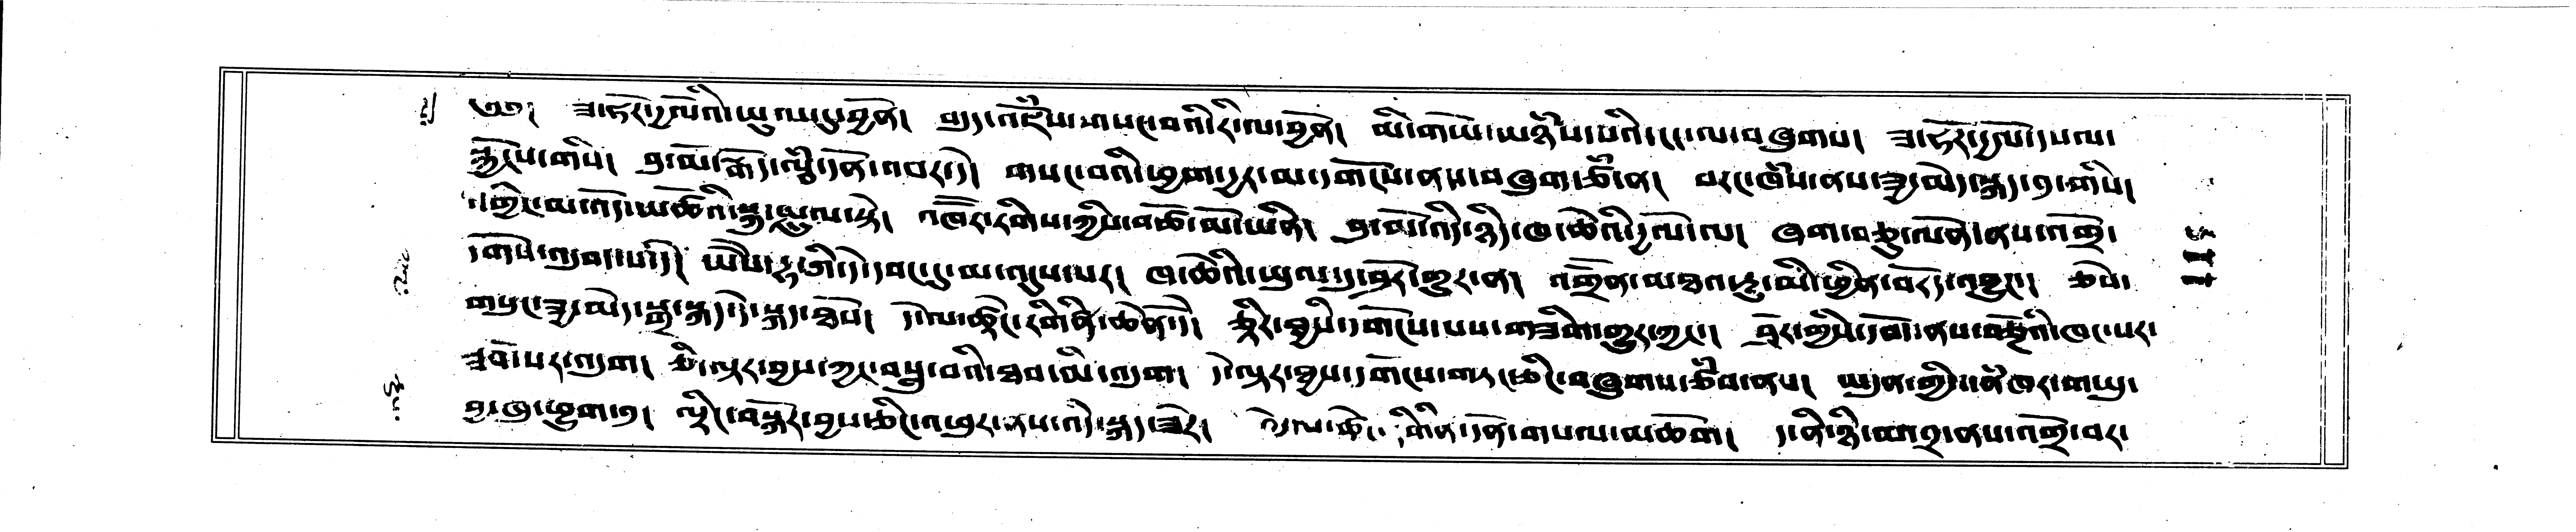ཟ་ཧོར་རྒྱལ་པོའི་ཡུལ་དུ་བྱོན། བདུད་འཇོམས་གསང་བའི་རི་ལ་བྱོན། མི་གཡོ་མཉམ་པའི་ངང་ལ་བཞུགས། ཟ་ཧོར་རྒྱལ་པོ་དཔལ་
སྐྱོང་གིས། བུ་མོ་རྒོད་ལྕམ་དོན་འབར་དེ། གསང་བའི་ཕྱག་རྒྱ་མར་དགོངས་ནས་བཞུགས་ཙམ་ན། བར་སྣང་ཁམས་ནས་གཟུགས་མེད་སྐད་ཅིག་གིས། 
འགྱིང་མ་འོད་མཚོའི་སྐུ་སྤྲུལ་ཏེ། འཁོར་ལོ་རིགས་ཀྱི་མཚོ་མོ་ཡིན། བུ་མོ་འདི་ཉིད་ཁ་ཆེའི་རྒྱལ་པོ་ལ། ཞག་བཅུ་ལོན་ནས་འགྲོ་
དགོས་འདུག་པ་དེ། ཡེ་ཤེས་དྷ་ཀི་དེ་དབང་དུ་མ་འདུས་པར། ཁ་ཆེའི་ཡུལ་དུ་ཤོར་གྱུར་ན། འགྲོ་དོན་མཐའ་རུ་མི་ཕྱིན་བར་ཆོད་འབྱུང་། ཅེས་
གསུངས་གཟུགས་མེད་སྒྲ་སྐད་དེ་སྐད་ཐོས། དེ་ལ་ཚེ་དབང་རིག་འཛིན་ཆེན་པོ་དེ། ཅི་ལྟར་ཐུགས་ཀྱི་དགོངས་པས་གཟིགས་གྱུར་ཀྱང་། ཤོར་གྱིས་དོགས་ནས་བཅོ་ལྔའི་ཁང་པར་
གཟོབ་པར་འདུག ཅི་ལྟར་བྱས་ཀྱང་བསླུ་བའི་ཐབས་མི་འདུག དེ་ལྟར་ཐུགས་དགོངས་གཏད་ཅིང་བཞུགས་ཙམ་ན། མདུན་གྱི་ནམ་མཁར་གཡུ་
བྱ་ཁུ་བྱུག་ཅིག ལྡིང་སྐོར་བྱས་ཤིང་འཕུར་ནས་འདི་སྐད་ཟེར། དེ་ལ་ཚེ་དབང་རིག་འཛིན་དོན་གསལ་མཆོག ད་ནི་ཉི་མ་གཉིས་ནས་འགྲོ་བར་